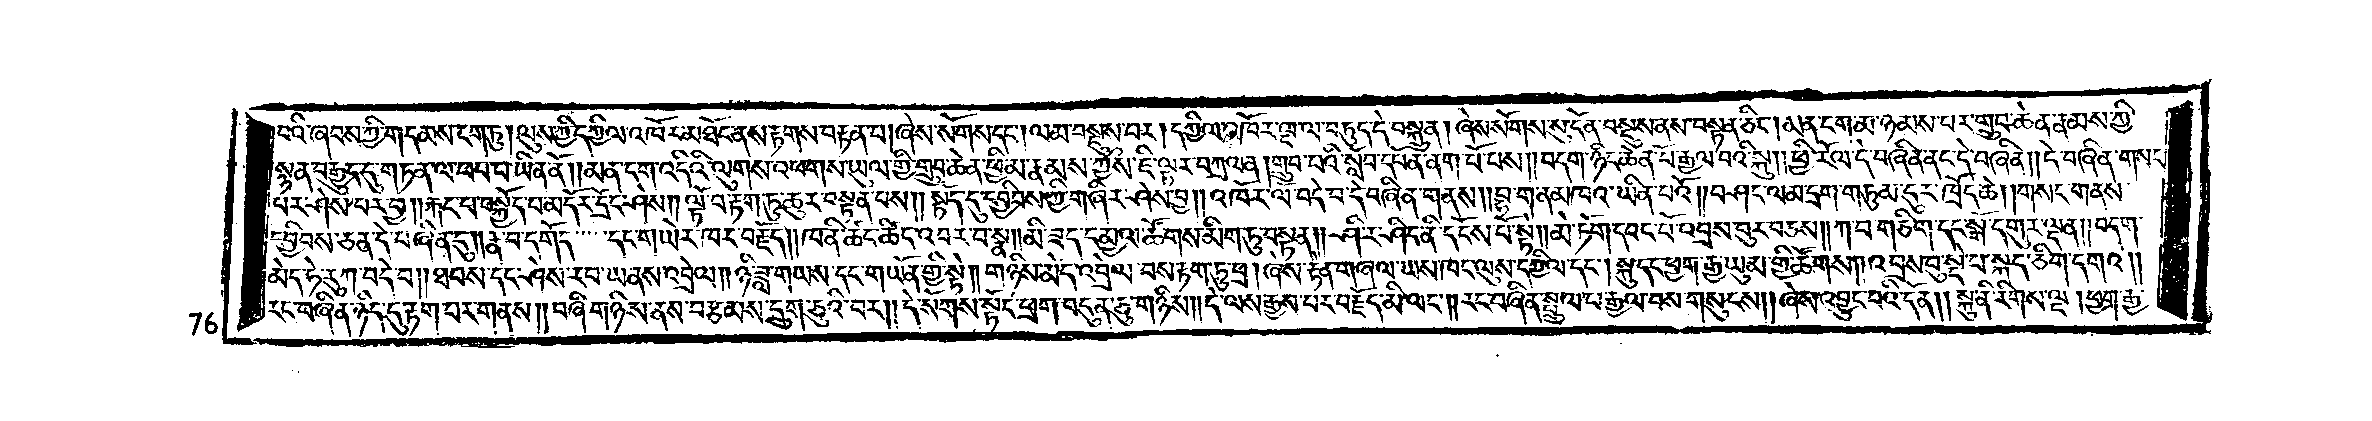བའི་ཞབས་ཀྱི་གདམས་ངག་ཏུ། ལུས་ཀྱི་དཀྱིལ་འཁོར་མཐོང་ནས་རྟགས་བརྟན་པ། ཞེས་སོགས་དང་། ལམ་བསྡུས་བར། དཀྱིལ་འཁོར་ལྔ་ལ་བཏུད་དེ་བསྐྲུན། ཞེས་སོགས་སུ་དོན་བསྡུས་ནས་བསྟན་ཅིང་། མན་ངག་མ་ཉམས་པར་གྲུབ་ཆེན་རྣམས་ཀྱི་
སྙན་བརྒྱུད་དུ་གཏན་ལ་ཕབ་པ་ཡིན་ནོ། །མན་ངག་འདིའི་ལུགས་འཕགས་ཡུལ་གྱི་གྲུབ་ཆེན་ཕྱི་མ་རྣམས་ཀྱིས་ཇི་ལྟར་བཀྲལ་ན། གྲུབ་པའི་སློབ་དཔོན་ནག་པོ་པས། །བདག་ཉིད་ཆེན་པོ་རྒྱལ་བའི་སྐུ། །ཕྱི་རོལ་དེ་བཞིན་ནང་དེ་བཞིན། །དེ་བཞིན་གསང་
པར་ཤེས་པར་བྱ། །རྐང་པ་བསྐྱོད་པ་མདོར་དྲོང་ཤེས། །ལྟོ་བ་རྟག་ཏུ་ཆུར་བསྟན་པས། །སྟོད་དུ་དབྱིབས་ཀྱི་གཞིར་ཤེས་བྱ། །འཁོར་ལོ་བདེ་བ་དེ་བཞིན་གནས། །བྷ་ག་ནམ་མཁའ་ཡིན་པའོ། །བཤད་ལམ་དྲག་གཏུམ་དུར་ཁྲོད་ཆེ། །གསང་གནས་
དབྱིབས་ཅན་དེ་བཞིན་དུ། །རྣ་བ་དགོད་དང་གཡེར་ཁར་བརྗོད། །ཁ་ནི་ཚང་ཚིང་འབར་བ་སྣ། །མི་ཟད་དམྱལ་ཚོགས་མིག་ཏུ་བསྟན། །ཤི་ར་ཤིང་ནི་དངོས་པོ་སྟེ། །མེ་ཏོག་དབང་པོ་འབྲས་བུར་བཅས། །ཀ་བ་གཅིག་དང་སྒོ་དགུར་ལྡན། །བདག་
མེད་ཧེ་རུ་ཀ་བདེ་བ། །ཐབས་དང་ཤེས་རབ་ཡ་ནས་འབྲེལ། །ཉི་ཟླ་གཡས་དང་གཡོན་གྱི་སྟེ། །གཉིས་མེད་འབྲེལ་བས་རྟག་ཏུ་ཕྲ། ཞེས་རྟེན་གཞལ་ཡས་ཁང་ལུས་དཀྱིལ་དང་། སྐུ་དང་ཕྱག་རྒྱ་ཡུམ་གྱི་ཚོགས། །འབྲས་བུ་སྡེ་པ་སྐད་ཅིག་དགའ། །
རང་བཞིན་ཉིད་དུ་རྟག་པར་གནས། །བཞི་གཉིས་ནས་བརྩམས་དྲུག་ཅུའི་བར། །དེ་སོགས་སྟོང་ཕྲག་བདུན་ཅུ་གཉིས། །དེ་ལས་རྒྱས་པར་བརྗོད་མི་ལང་། །རང་བཞིན་སྤྲུལ་པ་རྒྱལ་བས་གསུངས། །ཞེས་འབྱུང་བའི་དོན། །སྐུ་ནི་རིགས་ལྔ། ཕྱག་རྒྱ་